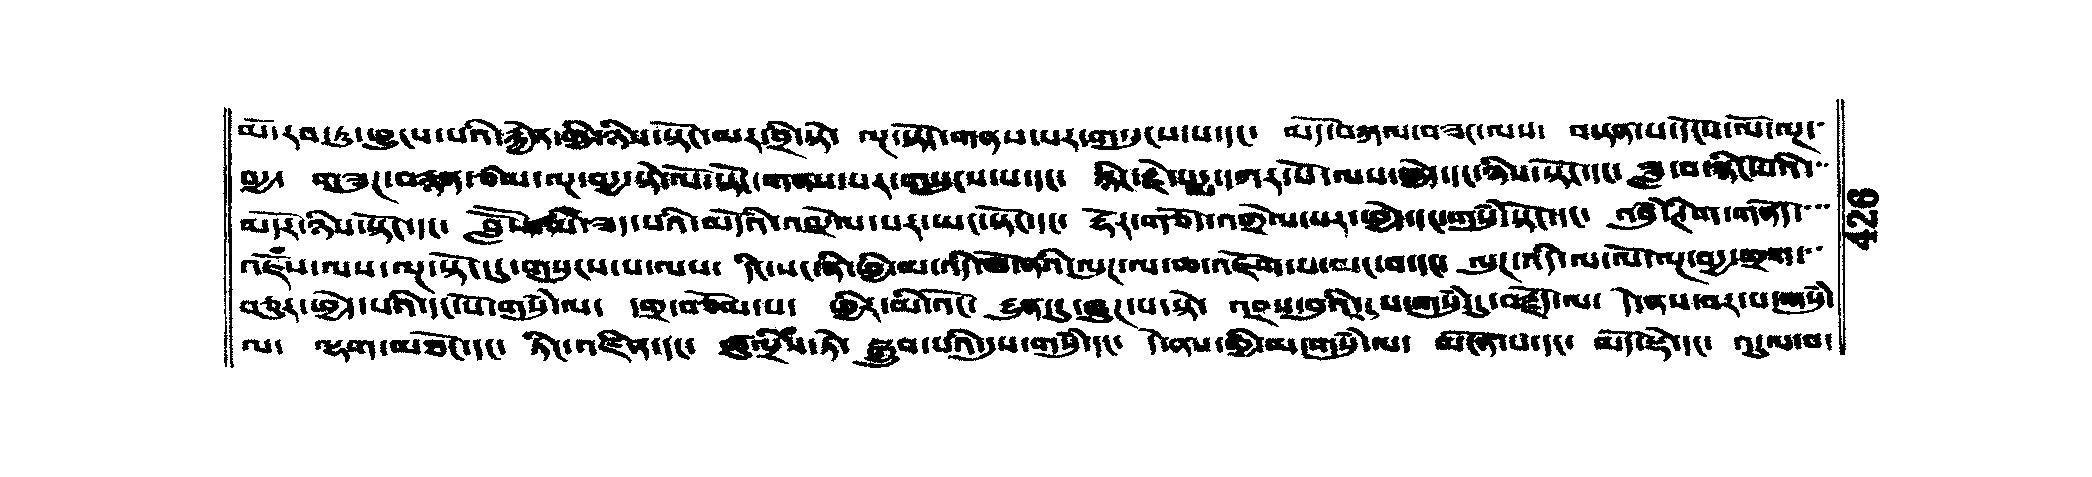མོ་རབ་ཏུ་བྱུང་པའི་རྐྱེན་གྱི་ཉིས་སྟོང་མར་བྲི་སྟེ། ལྔ་སྟོང་གནས་པར་གསུངས་པ་དང་། མདོ་བསྐལ་བཟང་ལས། བསྟན་པ་དངོས་ལོ་ལྔ་
བརྒྱ། གཟུགས་བརྙན་ཙམ་ལྔ་བརྒྱ་སྟེ་ལོ་སྟོང་གནས་པར་གསུངས་པ་དང་། སྙིང་རྗེ་པདྨ་དཀར་པོ་ལས་ཕྱེད་དང་ཉིས་སྟོང་དང་། ཟླ་བ་སྙིང་པོའི་
མདོ་ཉིས་སྟོང་དང་། བློ་གྲོས་མི་ཟད་པའི་མདོའི་འགྲེལ་པར་ཡང་སྟོང་དང་། རྡོར་གཅོད་འགྲེལ་པར་བྱེད་དང་གསུམ་སྟོང་དང་། འབུམ་ཊིག་གནོད་
འཇོམས་ལས་ལྔ་སྟོང་དུ་གསུངས་པ་ལས། དིང་སང་ནི་ཕྱི་མ་འདི་ཁོ་ནའི་ལུགས་ལ་ཆ་འཇོག་པ་མང་བ་དང་། ལུགས་འདི་ལ་ལོ་ལྔ་བརྒྱ་ཕྲག་
བཅུར་བྱེད་པའི་དང་པོ་གསུམ་ལ། དགྲ་བཅོམ་པ། ཕྱིར་མི་འོང་། རྒྱུན་དུ་ཞུགས་པ་སྟེ། འབྲས་བུའི་དུས་གསུམ་བརྗོད་ལ། དེ་ནས་བར་པ་གསུམ་
ལ། ལྷག་མཐོང་དང་། ཏིང་འཛིན་དང་། ཚུལ་ཁྲིམས་ཏེ། སྒྲུབ་པའི་དུས་གསུམ་དང་། དེ་ནས་ཕྱི་མ་གསུམ་ལ། མངོན་པ་དང་། མདོ་སྡེ་དང་། འདུལ་བ་